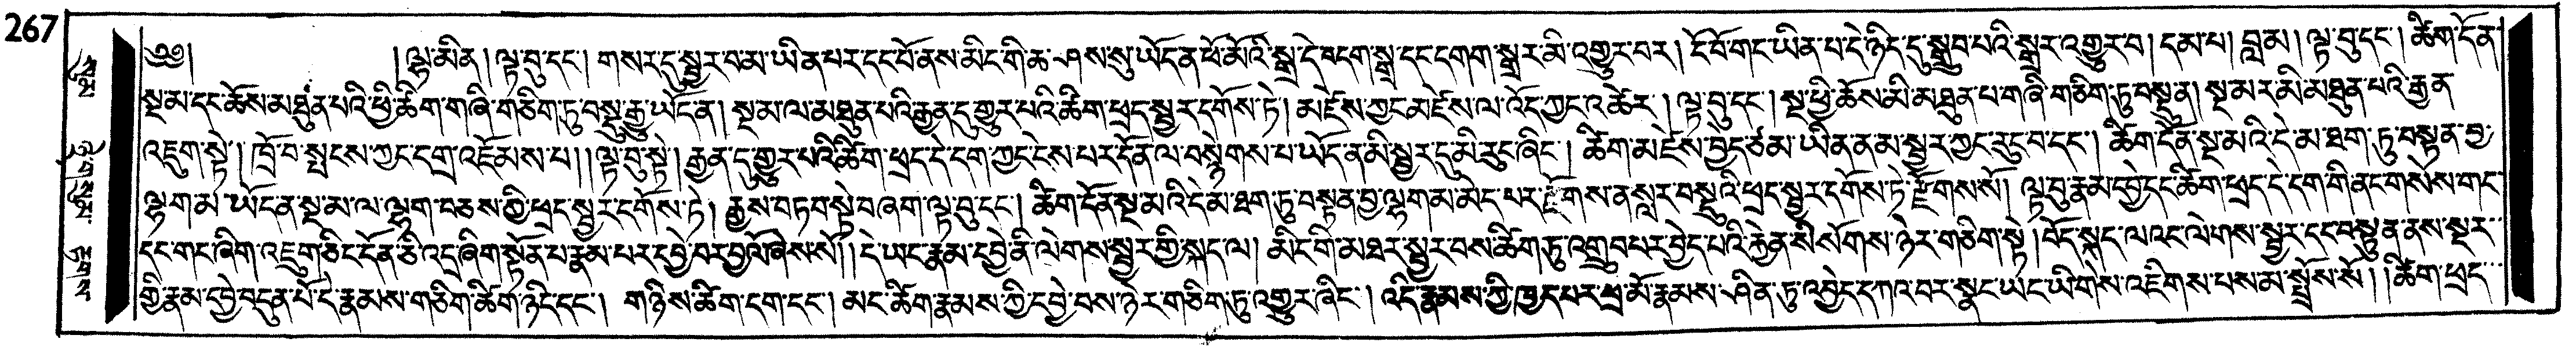༄༅། །ལྷ་མིན། ལྟ་བུ་དང་། གསར་དུ་སྦྱར་བ་མ་ཡིན་པར་དང་པོ་ནས་མིང་གི་ཆ་ཤས་སུ་ཡོད་ན་ཕོ་མོའི་སྒྲ་དེ་བདག་སྒྲ་དང་དགག་སྒར་མི་འགྱུར་བར། ངོ་བོ་གང་ཡིན་པ་དེ་ཉིད་དུ་སྒྲུབ་པའི་སྒྲར་འགྱུར་བ། དམ་པ། བླ་མ། ལྟ་བུ་དང་། ཚིག་དོན་
སྔ་མ་དང་ཆོས་མཐུན་པའི་ཕྱི་ཚིག་གཞི་གཅིག་ཏུ་བསྡུ་རྒྱུ་ཡོད་ན། སྔ་མ་ལ་མཐུན་པའི་རྒྱན་དུ་གྱུར་པའི་ཚིག་ཕྲད་སྦྱར་དགོས་ཏེ། མཛེས་ཀྱང་མཛེས་ལ་འོད་ཀྱང་འཚེར། ལྟ་བུ་དང་། སྔ་ཕྱི་ཆོས་མི་མཐུན་པ་གཞི་གཅིག་ཏུ་བསྡུ་ན། སྔ་མར་མི་མཐུན་པའི་རྒྱན་
འཇུག་སྟེ། ཁྲོ་བ་སྤངས་ཀྱང་དགྲ་འཇོམས་པ། །ལྟ་བུ་སྟེ། རྒྱན་དུ་གྱུར་པའི་ཚིག་ཕྲད་དེ་དག་ཀྱང་ངེས་པར་དོན་ལ་བསྙེགས་པ་ཡོད་ན་མི་སྦྱར་དུ་མི་རུང་ཞིང་། ཚིག་མཛེས་བྱེད་ཙམ་ཡིན་ནམ་སྦྱར་ཀྱང་རུང་བ་དང་། ཚིག་དོན་སྔ་མའི་དེ་མ་ཐག་ཏུ་བསྟན་བྱ་
ལྷག་མ་ཡོད་ན་སྔ་མ་ལ་ལྷག་བཅས་ཀྱི་ཕྲད་སྦྱར་དགོས་ཏེ། རྒྱས་བཏབ་སྟེ་བཞག་ལྟ་བུ་དང་། ཚིག་དོན་སྔ་མའི་དེ་མ་ཐག་ཏུ་བསྟན་བྱ་ལྷག་མ་མེད་པར་རྫོགས་ན་སླར་བསྡུའི་ཕྲད་སྦྱར་དགོས་ཏེ་རྫོགས་སོ། ལྟ་བུ་རྣམ་དབྱེ་དང་ཚིག་ཕྲད་དེ་དག་གི་ནང་གསེས་གང་
དང་གང་ཞིག་འཇུག་ཅིང་དོན་ཅི་འདྲ་ཞིག་སྟོན་པ་རྣམ་པར་དབྱེ་བར་བྱའོ་ཞེས་སོ། །དེ་ཡང་རྣམ་དབྱེ་ནི་ལེགས་སྦྱར་གྱི་སྐད་ལ། མིང་གི་མཐར་སྦྱར་བས་ཚིག་ཏུ་འགྲུབ་པར་བྱེད་པའི་རྐྱེན་སི་སོགས་ཉེར་གཅིག་སྟེ། བོད་སྐད་ལའང་ལེགས་སྦྱར་དང་བསྟུན་ནས་སྔར་
གྱི་རྣམ་དབྱེ་བདུན་པོ་དེ་རྣམས་གཅིག་ཚིག་ཉིད་དང་། གཉིས་ཚིག་དག་དང་། མང་ཚིག་རྣམས་ཀྱི་དབྱེ་བས་ཉེར་གཅིག་ཏུ་འགྱུར་ཞིང་། འདི་རྣམས་ཀྱི་ཁྱད་པར་ཕྲ་མོ་རྣམས་ཤིན་ཏུ་འབྱེད་དཀའ་བར་སྣང་ཡང་ཡི་གེས་འཇིགས་པས་མ་སྤྲོས་སོ། །ཚིག་ཕྲད་